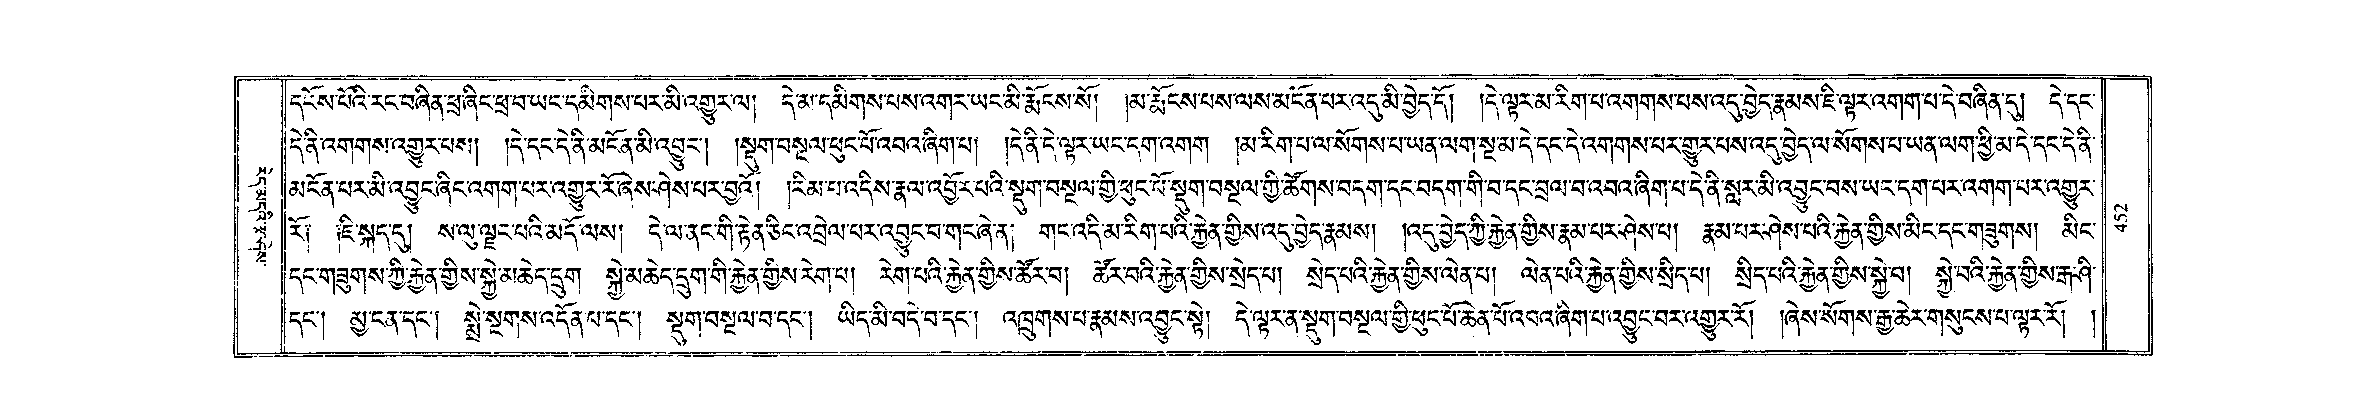དངོས་པོའི་རང་བཞིན་ཕྲ་ཞིང་ཕྲ་བ་ཡང་དམིགས་པར་མི་འགྱུར་ལ། དེ་མ་དམིགས་པས་འགར་ཡང་མི་རྨོངས་སོ། །མ་རྨོངས་པས་ལས་མངོན་པར་འདུ་མི་བྱེད་དོ། །དེ་ལྟར་མ་རིག་པ་འགགས་པས་འདུ་བྱེད་རྣམས་ཇི་ལྟར་འགག་པ་དེ་བཞིན་དུ། དེ་དང་
དེ་ནི་འགགས་འགྱུར་པས། །དེ་དང་དེ་ནི་མངོན་མི་འབྱུང་། །སྡུག་བསྔལ་ཕུང་པོ་འབའ་ཞིག་པ། །དེ་ནི་དེ་ལྟར་ཡང་དག་འགག །མ་རིག་པ་ལ་སོགས་པ་ཡན་ལག་སྔ་མ་དེ་དང་དེ་འགགས་པར་གྱུར་པས་འདུ་བྱེད་ལ་སོགས་པ་ཡན་ལག་ཕྱི་མ་དེ་དང་དེ་ནི་
མངོན་པར་མི་འབྱུང་ཞིང་འགག་པར་འགྱུར་རོ་ཞེས་ཤེས་པར་བྱའོ། །རིམ་པ་འདིས་རྣལ་འབྱོར་པའི་སྡུག་བསྔལ་གྱི་ཕུང་པོ་སྡུག་བསྔལ་གྱི་ཚོགས་བདག་དང་བདག་གི་བ་དང་བྲལ་བ་འབའ་ཞིག་པ་དེ་ནི་སླར་མི་འབྱུང་བས་ཡང་དག་པར་འགག་པར་འགྱུར་
རོ༑ ༑ཇི་སྐད་དུ། ས་ལུ་ལྗང་པའི་མདོ་ལས། དེ་ལ་ནང་གི་རྟེན་ཅིང་འབྲེལ་པར་འབྱུང་པ་གང་ཞེ་ན། གང་འདི་མ་རིག་པའི་རྐྱེན་གྱིས་འདུ་བྱེད་རྣམས། །འདུ་བྱེད་ཀྱི་རྐྱེན་གྱིས་རྣམ་པར་ཤེས་པ། རྣམ་པར་ཤེས་པའི་རྐྱེན་གྱིས་མིང་དང་གཟུགས། མིང་
དང་གཟུགས་ཀྱི་རྐྱེན་གྱིས་སྐྱེ་མཆེད་དྲུག་སྐྱེ་མཆེད་དྲུག་གི་རྐྱེན་གྱིས་རེག་པ། རེག་པའི་རྐྱེན་གྱིས་ཚོར་བ། ཚོར་བའི་རྐྱེན་གྱིས་སྲེད་པ། སྲེད་པའི་རྐྱེན་གྱིས་ལེན་པ། ལེན་པའི་རྐྱེན་གྱིས་སྲིད་པ། སྲིད་པའི་རྐྱེན་གྱིས་སྐྱེ་བ། སྐྱེ་བའི་རྐྱེན་གྱིས་རྒ་ཤི་
དང་། མྱ་ངན་དང་། སྨྲེ་སྔགས་འདོན་པ་དང་། སྡུག་བསྔལ་བ་དང་། ཡིད་མི་བདེ་བ་དང་། འཁྲུགས་པ་རྣམས་འབྱུང་སྟེ། དེ་ལྟར་ན་སྡུག་བསྔལ་གྱི་ཕུང་པོ་ཆེན་པོ་འབའ་ཞིག་པ་འབྱུང་བར་འགྱུར་རོ། །ཞེས་སོགས་རྒྱ་ཆེར་གསུངས་པ་ལྟར་རོ། །